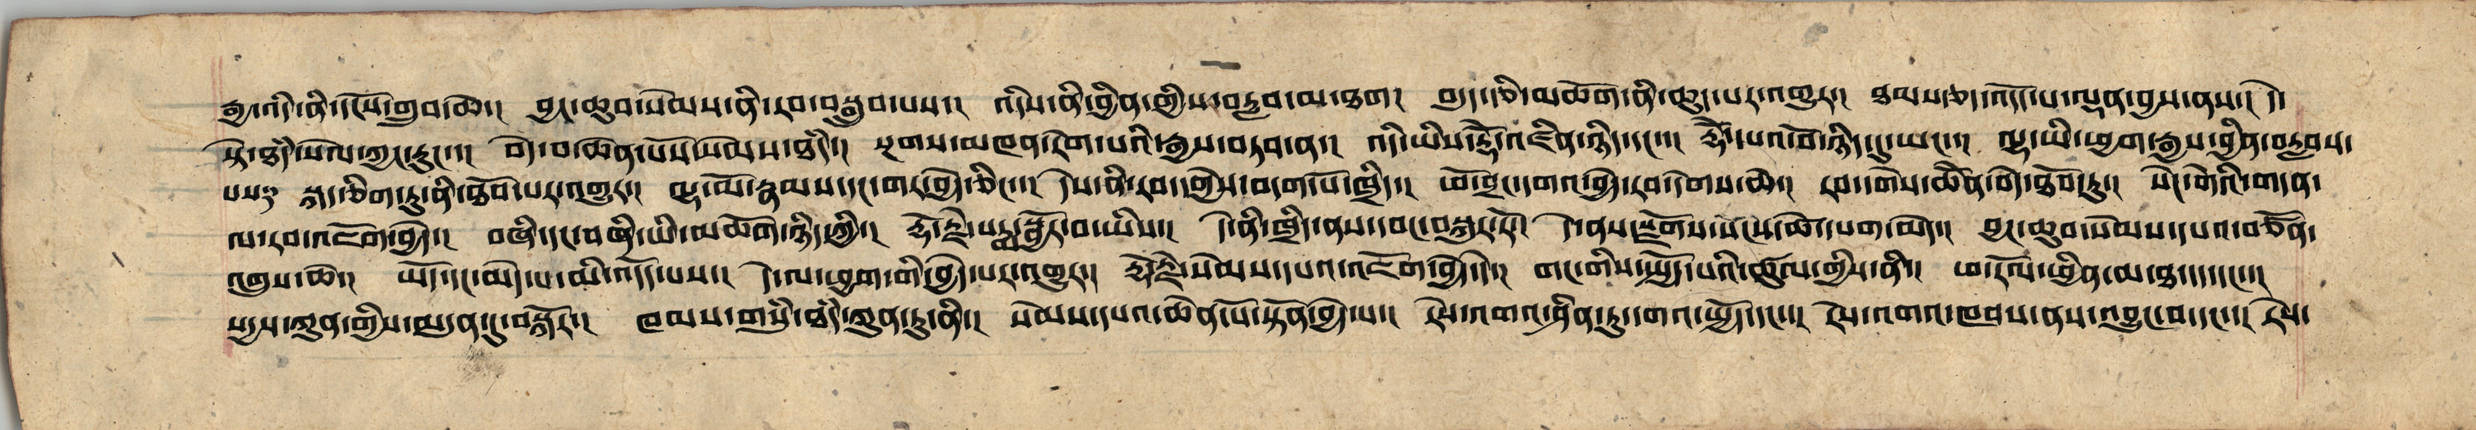རྒྱ་འདི་ནི་དངོས་གྲུབ་ཆེ་། བྱང་ཆུབ་སེམས་ནི་རབ་བསྒྲུབ་པས་། འདིས་ནི་བྱིན་གྱིས་བརླབ་མ་ཐག། བདུད་རྩི་མཆོག་ནི་ཆུད་པར་འགྱུར་། ཐམས་ཅད་འདོད་པ་ལྡན་བྱས་ནས་། དེ་
སྟེ་ཐདཾ་སེལ་ཀྱང་རུང་་། བདེ་བ་ཆེན་པོས་སེམས་ཐདཾ་། སྔགས་མཁན་རེག་པའི་རྒྱས་བཏབ་ན་། འདི་ཡིས་རྡོེ་འཛིན་ཉིད་དང་་། རྡོེ་དཔའ་བོ་ཉིད་དུ་ཡང་་། ལྷ་ཡི་ཕྱག་རྒྱས་བྱིན་བརླབས་
པས༑ སྐད་ཅིག་ཏུ་ནི་ཐོབ་པར་འགྱུར་། ལྷ་མོ་རྣམས་དང་གར་བྱེད་ཅིང་་། དེས་ནི་རབ་དགྱེས་བདག་པོ་ཁྲིད་། ཕོ་བྲང་དགའ་བྱེད་རབ་དགེས་ཆེ་། རབ་དགེས་ཆེནོ་བདེ་ཐོབ་ཏུ་། སེང་གེའི་གདན་
ལ་རབ་འཇོག་བྱེད་། བཞི་དང་བཞི་ཡི་མཆོག་ཉིད་ཀྱི་། རྡོ་རྗེ་པདྨ་སྦྱོར་བ་ཡིས་། དེ་ནི་ཁྲིད་ནས་དབང་བསྐུར་རོ་། དེ་ནས་སྫོགས་སངས་ཚེ་དཔག་མེད་། བྱང་ཆུབ་སེམས་དཔའ་བཙོན་
འགྲུས་ཆེ་། ཡོད་དང་མེད་པ་མི་འདོད་པས་། དེ་ལ་ཕྱག་གི་བྱེད་པར་འགྱུར་། རྡོ་རྗེ་སེམས་དཔའ་འཇོག་བྱེད་དེ་། གང་གིས་སྤྱོད་པའི་ཚུལ་གྱིས་ནི་། ཕ་རོལ་ཕྱིན་མ་ཐ་དད་དང་་།
སདྱས་ཀུན་གྱིས་མདུན་དུ་བསྐོར་། ཁམས་གསུཾ་ཐཾད་ཀུན་ཏུ་ནི་། སེམས་དཔའ་ཆེན་པོ་སྟོན་བྱེད་པ་། རེས་འགའ་ཤིན་ཏུ་དགའ་སྤྱོད་དང་་། རེས་འགའ་ཁབས་ནས་འབྱུང་བ་དང་་། རེས་